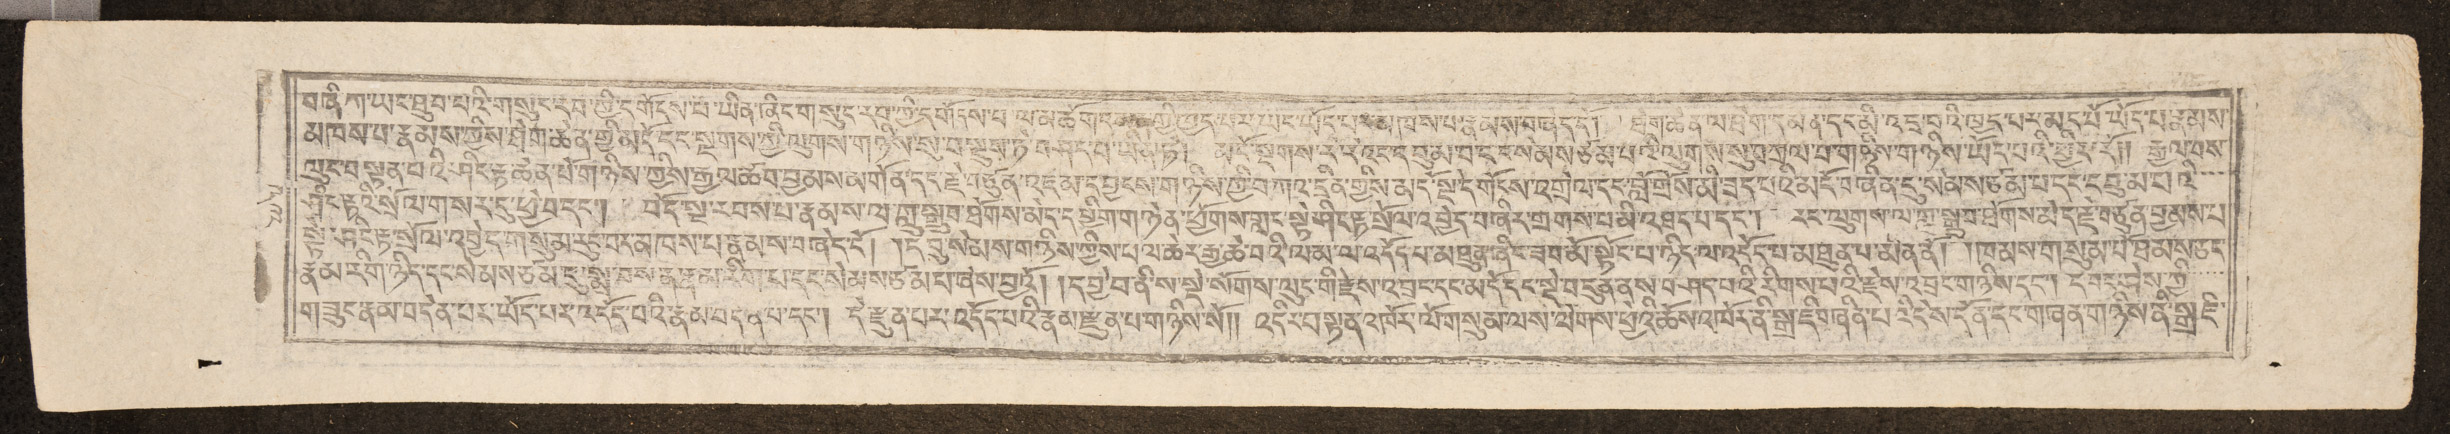བཞི་ཀ་ཡང་ཐུབ་པའི་གསུང་རབ་ཀྱི་དགོངས་པ་ཡིན་ཞིང་གསུང་རབ་ཀྱི་དགོངས་པ་ལ་མཆོག་དམན་གྱི་ཁྱད་པར་ཡང་ཡོད་པར་མཁས་པ་རྣམས་བཞེད་དོ། ཐེག་ཆེན་ལ་ཐེག་དམན་དང་མི་འདྲ་བའི་ཁྱད་པར་མང་པོ་ཡོད་པ་རྣམས་
མཁས་པ་རྣམས་ཀྱིས་ཐེག་ཆེན་གྱི་མདོ་དང་སྔགས་ཀྱི་ལུགས་གཉིས་སུ་བསྡུས་ཏེ་བཤད་པ་ཡིན་ཏེ། མདོ་སྔགས་རེ་རེའང་དབུ་མ་བ་དང་སེམས་ཙམ་པའི་ལུགས་སུ་བཀྲལ་བ་གཉིས་གཉིས་ཡོད་པའི་ཕྱིར་རོ།། རྒྱལ་བས་
ལུང་བསྟན་པའི་ཤིང་རྟ་ཆེན་པོ་གཉིས་ཀྱིས་རྒྱལ་ཚབ་བྱམས་མགོན་དང་རྗེ་བཙུན་འཇམ་དབྱངས་གཉིས་ཀྱི་བཀའ་དྲིན་གྱིས་མདོ་སྡེ་དགོངས་འགྲེལ་དང་བློ་གྲོས་མི་ཟད་པའི་མདོ་བཞིན་དུ་སེམས་ཙམ་པ་དང་དབུ་མ་པའི་
ཤང་རྟའི་སྲོལ་གསར་དུ་ཕྱེ་བ་དང་། བོད་སྔ་རབས་པ་རྣམས་ལ་ཀླུ་སྒྲུབ་ཐོགས་མེད་དབྱིག་གཉེན་ཕྱོགས་གླང་སྟེ་ཤིང་རྟ་སྲོལ་འབྱེད་བཞིར་གྲགས་པ་མི་འཐད་པ་དང་། རང་ལུགས་ལ་ཀླུ་སྒྲུབ་ཐོགས་མེད་རྗེ་བཙུན་བྱམས་པ་
སྟེ་ཤིང་རྟ་སྲོལ་འབྱེད་གསུམ་རུང་བར་མཁས་པ་རྣམས་བཞེད་དོ། །དབུ་སེམས་གཉིས་ཀྱིས་ཕལ་ཆེར་རྒྱ་ཆེ་བའི་ལམ་ལ་འདོད་པ་མཐུན་ཞིང་ཟབ་མོ་སྟོང་པ་ཉིད་ལ་འདོད་པ་མཐུན་པ་མིན་ནོ། །ཁམས་གསུམ་པོ་ཐམས་ཅད་
རྣམ་རིག་ཉིད་དང་སེམས་ཙམ་དུ་སྨྲ་བས་ན་རྣམ་རིག་པ་དང་སེམས་ཙམ་པ་ཞེས་བྱའོ། །དབྱེ་བ་ནི་ས་སྡེ་སོགས་ལུང་གི་རྗེས་འབྲང་དང་མདོ་དང་སྡེ་བདུན་ནས་བཤད་པའི་རིགས་པའི་རྗེས་འབྲང་གཉིས་དང་། དབང་ཤེས་ཀྱི་
གཟུང་རྣམ་བདེན་པར་ཡོད་པར་འདོད་པའི་རྣམ་བདེན་པ་དང་། དེ་རྫུན་པར་འདོད་པའི་རྣམ་རྫུན་པ་གཉིས་སོ།། འདིར་བསྟན་འཁོར་ལོ་གསུམ་ལས་ལེགས་ཕྱེའི་ཆོས་འཁོར་ནི་སྒྲ་ཇི་བཞིན་པའི་ངེས་དོན་དང་གཞན་གཉིས་ནི་སྒྲ་ཇི་